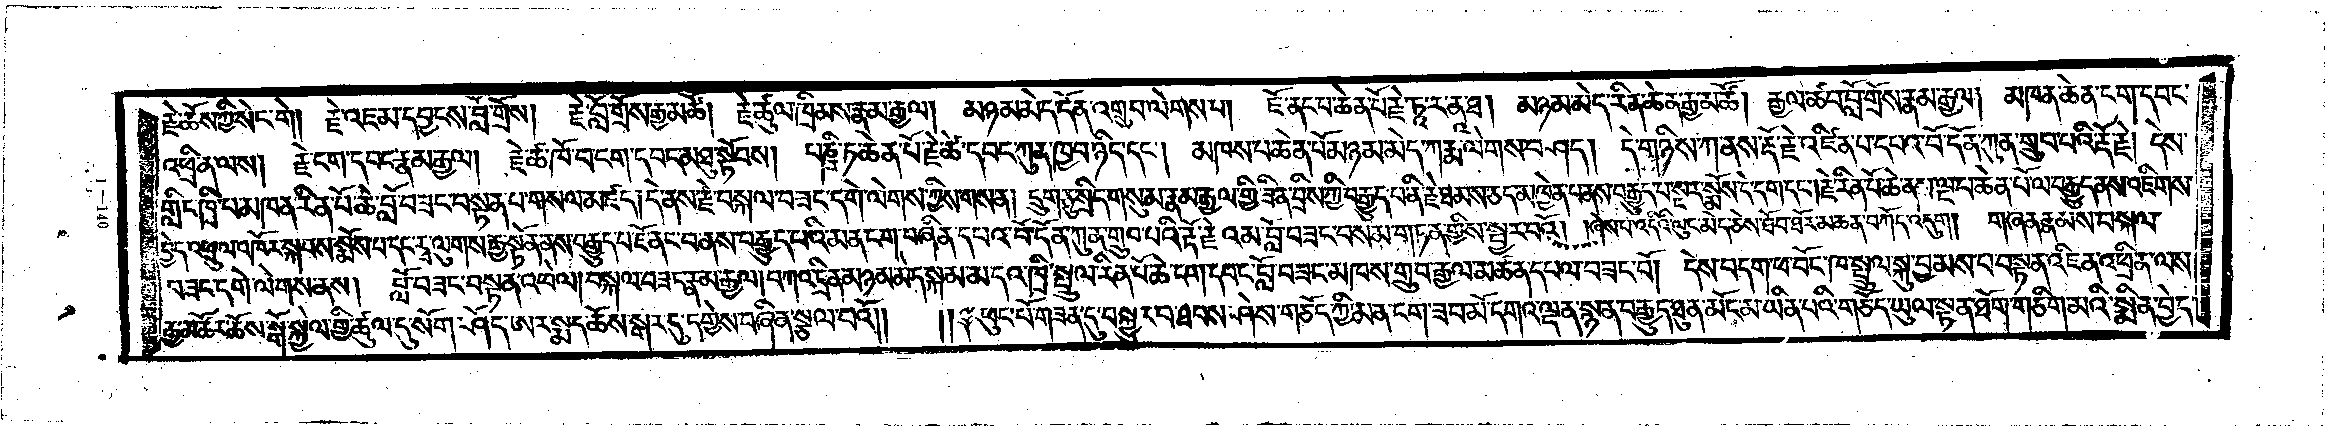རྗེ་ཆོས་ཀྱི་སེང་གེ། རྗེ་འཇམ་དབྱངས་བློ་གྲོས། རྗེ་བློ་གྲོས་རྒྱ་མཚོ། རྗེ་ཚུལ་ཁྲིམས་རྣམ་རྒྱལ། མཉམ་མེད་དོ་འགྲུབ་ལེགས་པ། ཇོ་ནང་པ་ཆེན་པོ་རྗེ་ཏཱ་ར་ནཱ་ཐ། མཉམ་མེད་རིན་ཆེན་རྒྱ་མཚོ། རྒྱལ་ཚབ་བློ་གྲོས་རྣམ་རྒྱལ། མཁན་ཆེན་ངག་དབང་
འཕྲིན་ལས། རྗེ་ངག་དབང་རྣམ་རྒྱལ། རྗེ་ཚ་ཁོ་བ་ངག་དབང་མཐུ་སྟོབས། པཎྜི་ཏ་ཆེན་པོ་རྗེ་ཚེ་དབང་ཀུན་ཁྱབ་ཉིད་དང་། མཁས་པ་ཆེན་པོ་མཉམ་མེད་ཀརྨ་ལེགས་བཤད། དེ་གཉིས་ཀ་ནས་རྡོ་རྗེ་འཛིན་པ་དཔའ་བོ་དོན་ཀུན་གྲུབ་པའི་རྡོ་རྗེ། དེས་
གླིང་ཁྲི་པ་མཁན་རིན་པོ་ཆེ་བློ་བཟང་བསྟན་པ་གསལ་མཛད། དེ་ནས་རྗེ་བསྐལ་བཟང་དགེ་ལེགས་ཀྱིས་གསན། དྲུག་ཅུ་སྲིད་གསུམ་རྣམ་རྒྱལ་གྱི་ཟིན་བྲིས་ཀྱི་བརྒྱུད་པ་ནི་རྗེ་ཐམས་ཅད་མཁྱེན་པ་ནས་བརྒྱུད་པ་སྔར་སྨོས་དེ་དག་དང་། རྗེ་རིན་པོ་ཆེ་ནས་ལྔ་པ་ཆེན་པོ་ལ་བརྒྱུད་ནས་འཇིགས་
བྱེད་འཕྲུལ་འཁོར་སྐབས་སྨོས་པ་དང་རྭ་ལུགས་རྒྱ་སྟོན་ནས་བརྒྱུད་པ་ཇོ་ནང་བ་ནས་བརྒྱུད་པའི་མན་ངག་བཞིན་དཔའ་བོ་དོན་ཀུན་གྲུབ་པའི་རྡོ་རྗེའམ་བློ་བཟང་བསམ་གཏན་གྱིས་སྦྱར་བའོ། ། ཞེས་པ་འདིའི་ལུང་མེད་ཅེས་ཐོབ་ཐོར་མཆན་བཀོད་འདུག།  གཞན་རྣམས་བསྐལ་
བཟང་དགེ་ལེགས་ནས། བློ་བཟང་བསྟན་འཕེལ། བསྐལ་བཟང་རྣམ་རྒྱལ། བཀའ་དྲིན་མཉམ་མེད་སྐམ་མདའ་ཁྲི་སྤྲུལ་རིན་པོ་ཆེ་ངག་དབང་བློ་བཟང་མཁས་གྲུབ་རྒྱལ་མཚན་དཔལ་བཟང་པོ། དེས་བདག་ཕོ་བོང་ཁ་སྤྲུལ་སྐུ་བྱམས་པ་སྟན་འཛིན་འཕྲིན་ལས་
མཚོར་ཆོས་སྒོ་སྐྱེལ་གྱི་ཚུལ་དུ་སོག་ཤོད་ཨར་སྨད་ཆོས་སྐར་དུ་དགྱེས་བཞིན་སྩལ་བའོ།། །། ༈ ཕུང་པོ་གཟན་དུ་བསྐྱུར་བ་ཐབས་ཤེས་གཅོད་ཀྱི་མན་ངག་ཟབ་མོ་དགའ་ལྡན་སྙན་བརྒྱུད་ཐུན་མོང་མ་ཡིན་པའི་གཅོད་ཡུལ་སྟན་ཐོག་གཅིག་མའི་སྨིན་བྱེད་